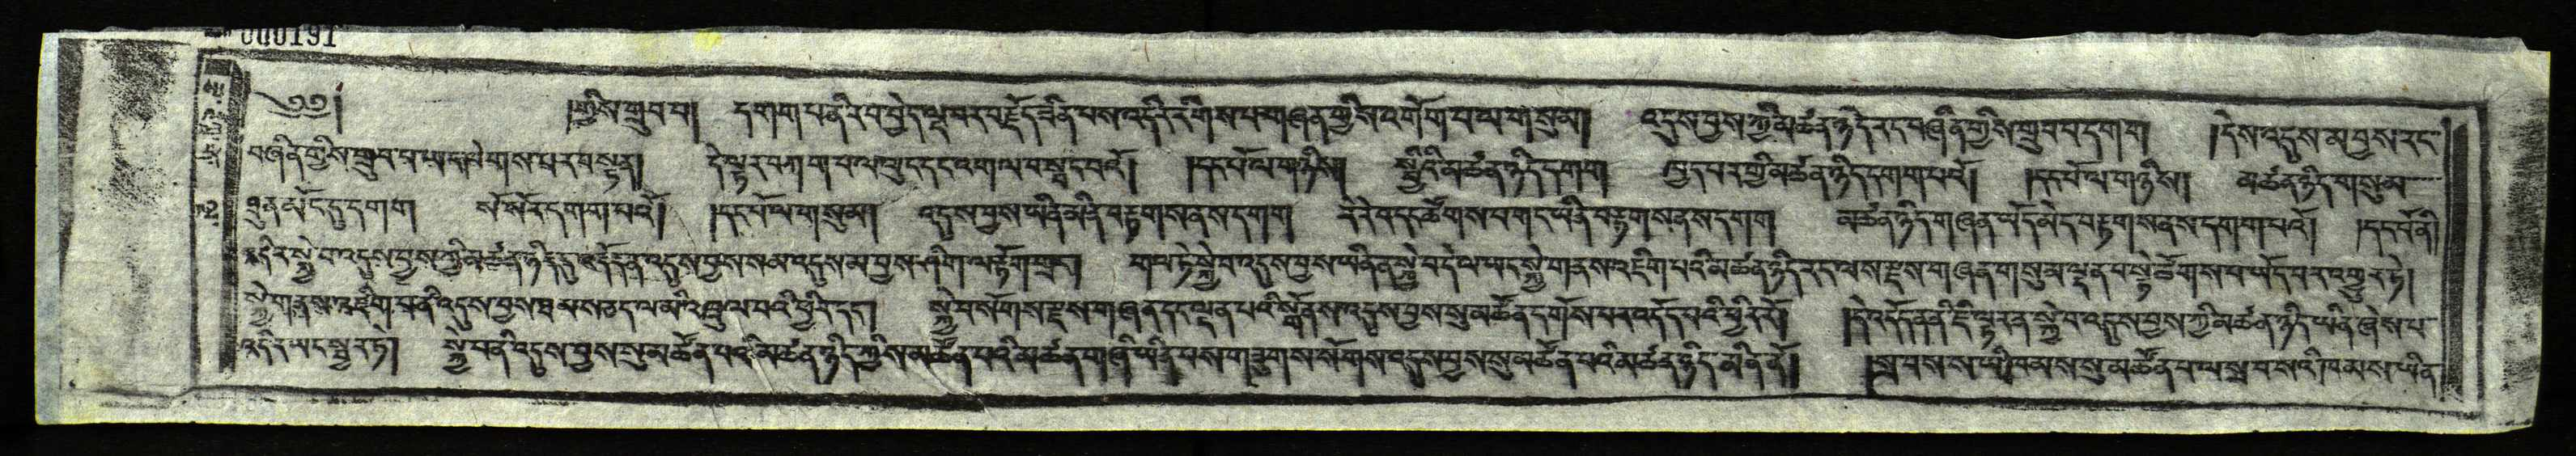༄༅། །གྱིས་གྲུབ་པ། དགག་པ་ནི་རབ་བྱེད་ལྔ་པར་བརྗོད་ཟིན་པས་འདིར་རིགས་པ་གཞན་གྱིས་འགོག་པ་ལ་གསུམ། འདུས་བྱས་ཀྱི་མཚན་ཉིད་རང་བཞིན་གྱིས་གྲུབ་པ་དགག །དེས་འདུས་མ་བྱས་རང་
བཞིན་གྱིས་གྲུབ་པ་ཡང་ཁེགས་པར་བསྟན། དེ་ལྟར་བཀག་པ་ལ་ལུང་དང་འགལ་བ་སྤང་བའོ། །དང་པོ་ལ་གཉིས། སྤྱིའི་མཚན་ཉིད་དགག་ཁྱད་པར་གྱི་མཚན་ཉིད་དགག་པའོ། །དང་པོ་ལ་གཉིས། མཚན་ཉིད་གསུམ་
ཐུན་མོང་དུ་དགག་སོ་སོར་དགག་པའོ། །དང་པོ་ལ་གསུམ། འདུས་བྱས་ཡིན་མིན་བརྟགས་ནས་དགག་རེ་རེ་བ་དང་ཚོགས་པ་གང་ཡིན་བརྟགས་ནས་དགག་མཚན་ཉིད་གཞན་ཡོད་མེད་བརྟགས་ནས་དགག་པའོ། །དང་པོ་ནི།
འདིར་སྐྱེ་བ་འདུས་བྱས་ཀྱི་མཚན་ཉིད་དུ་འདོད་ན་འདུས་བྱས་སམ་འདུས་མ་བྱས་ཤིག་ལ་རྟོག་གྲང་། གལ་ཏེ་སྐྱེ་བ་འདུས་བྱས་ཡིན་ན་སྐྱེ་བ་དེ་ལ་ཡང་སྐྱེ་གནས་འཇིག་པའི་མཚན་ཉིད་རང་ལས་རྫས་གཞན་གསུམ་ལྡན་པ་སྟེ་ཚོགས་པ་ཡོད་པར་འགྱུར་ཏེ།
སྐྱེ་གནས་འཇིག་པ་ནི་འདུས་བྱས་ཐམས་ཅད་ལ་མི་འཁྲུལ་བའི་ཕྱིར་དང་། སྐྱེ་བ་སོགས་རྫས་གཞན་དང་ལྡན་པའི་སྒོ་ནས་འདུས་བྱས་སུ་མཚོན་དགོས་པར་འདོད་པའི་ཕྱིར་རོ། །དེ་འདོད་ན་ནི་ཇི་ལྟར་ན་སྐྱེ་བ་འདུས་བྱས་ཀྱི་མཚན་ཉིད་ཡིན་ཞེས་པ་
འདིར་ཡང་སྦྱར་ཏེ། སྐྱེ་བ་ནི་འདུས་བྱས་སུ་མཚོན་པའི་མཚན་ཉིད་ཀྱིས་མཚོན་པའི་མཚན་གཞི་ཡིན་པས་གཟུགས་སོགས་འདུས་བྱས་སུ་མཚོན་པའི་མཚན་ཉིད་མིན་ནོ། །སྲ་བས་ས་ཡི་ཁམས་སུ་མཚོན་པ་ལ་སྦ་བ་སའི་ཁམས་ཡིན་